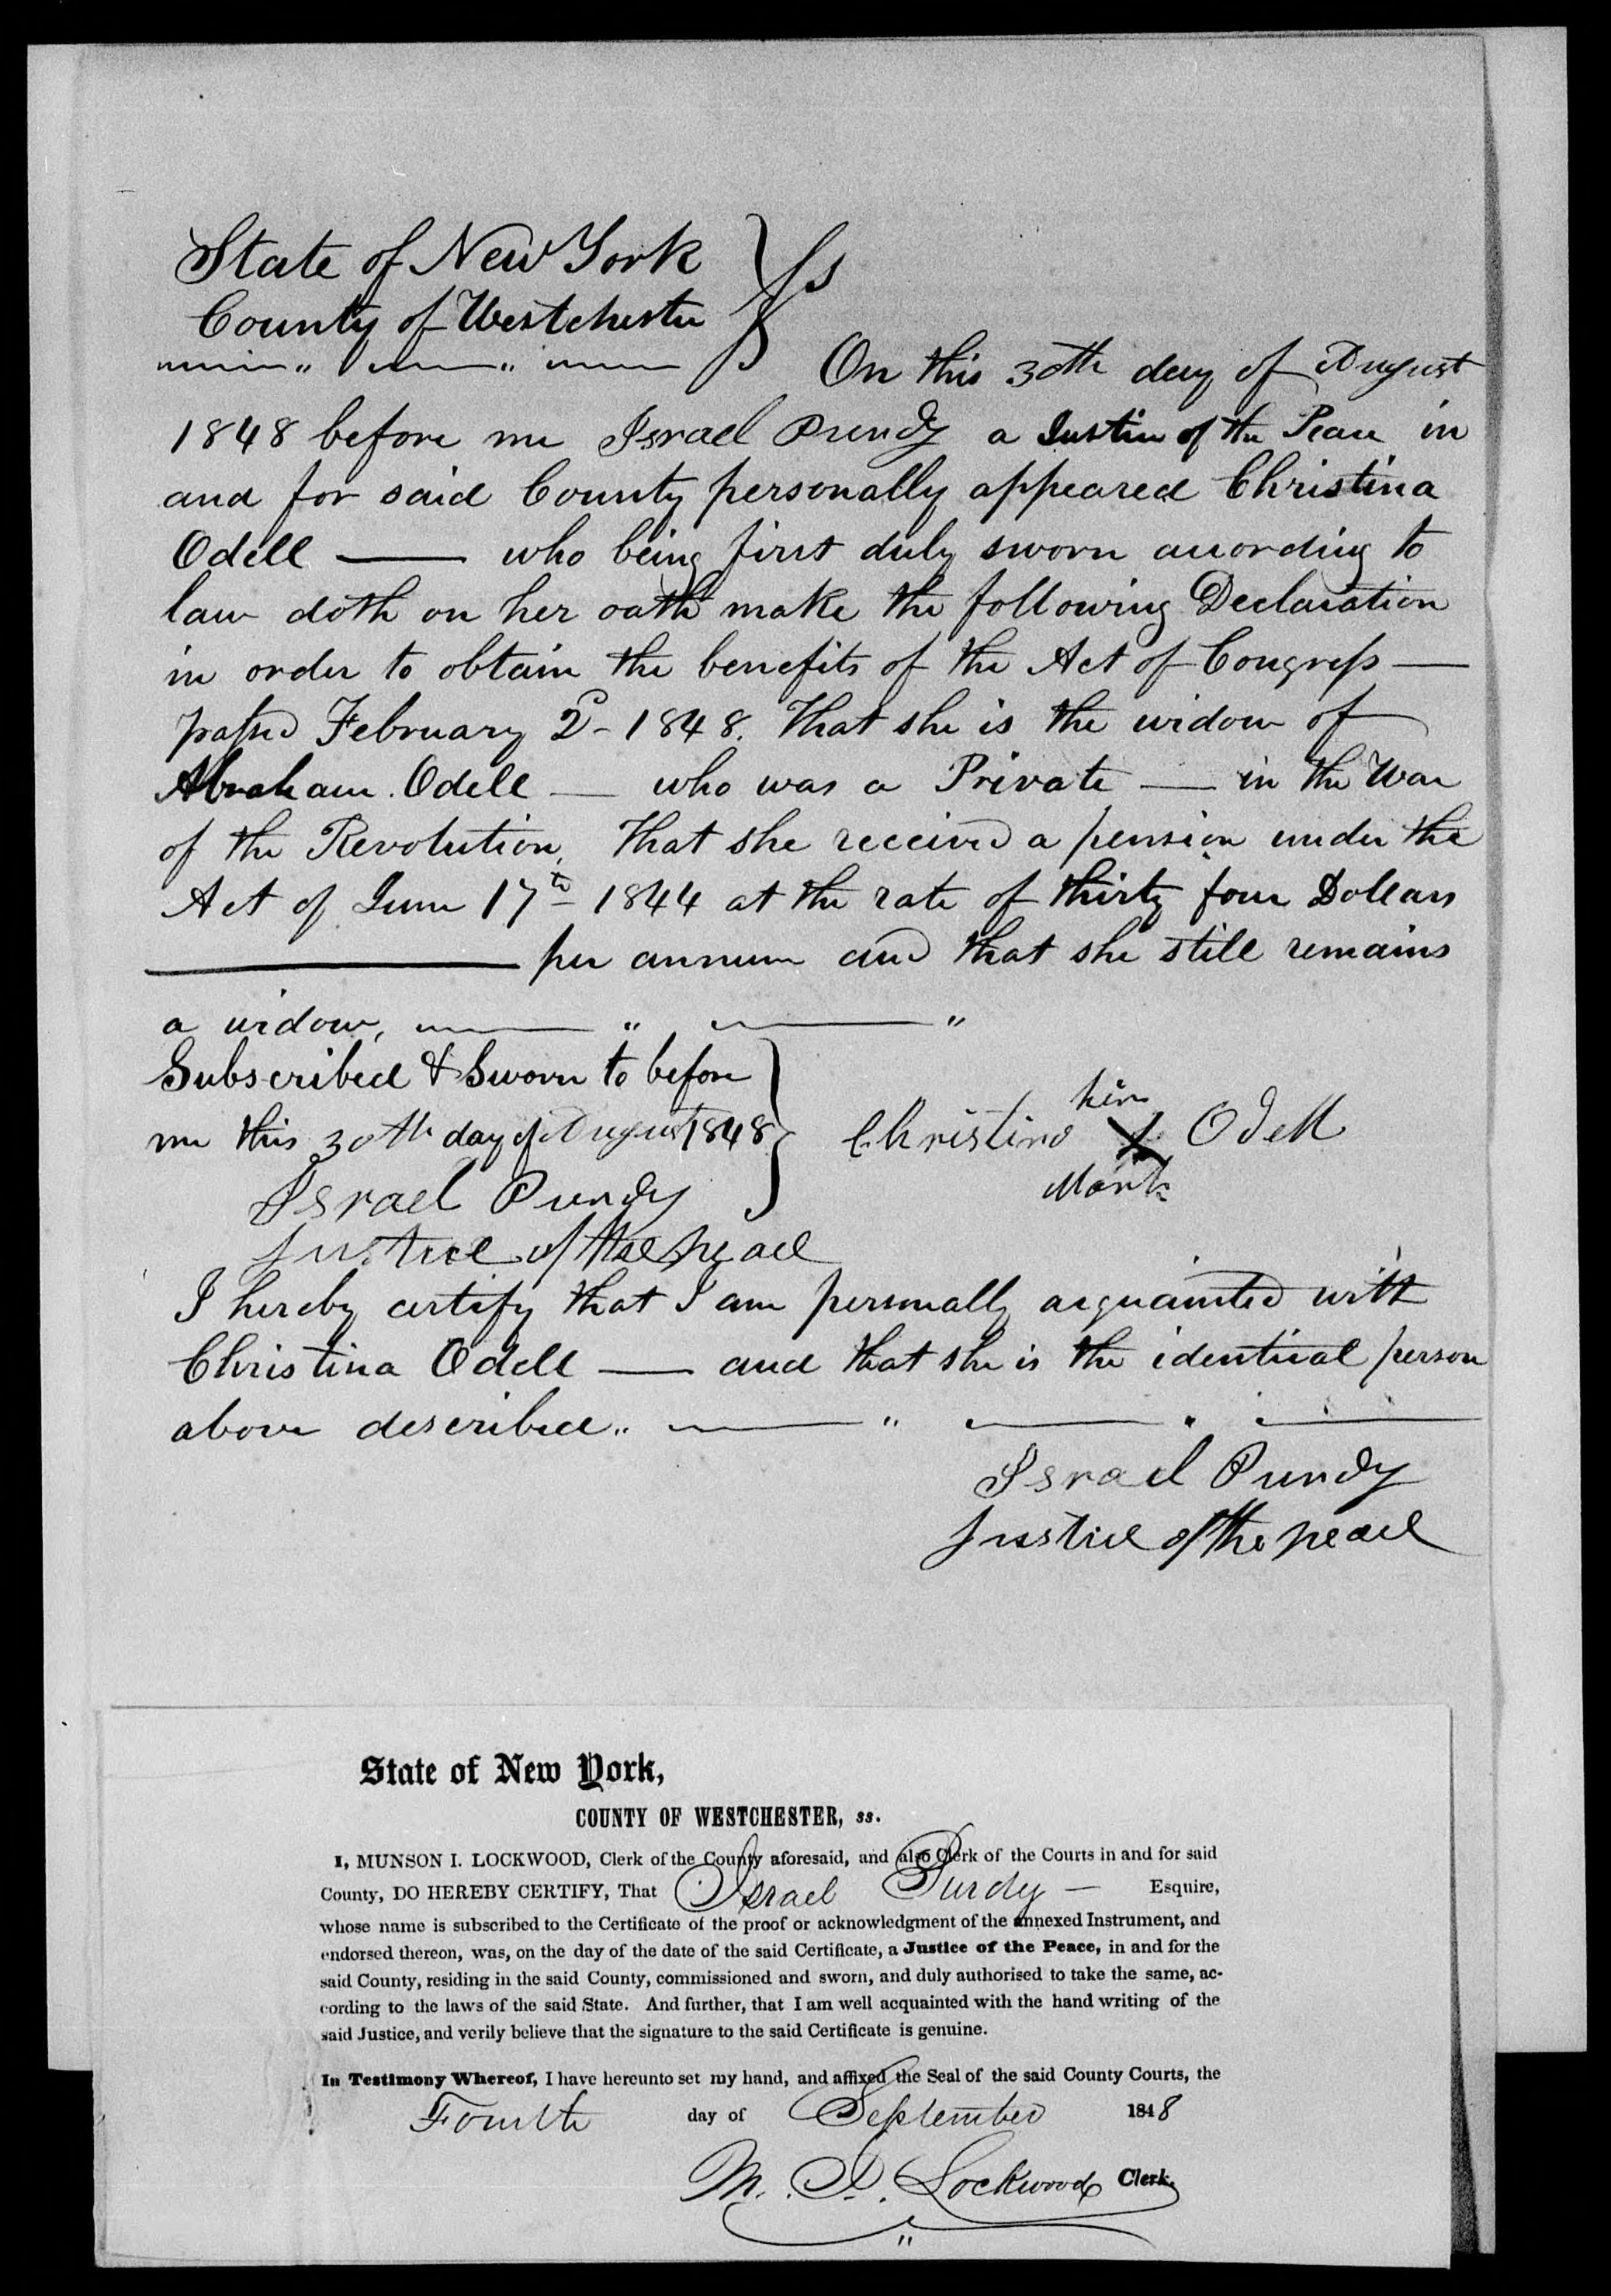State of New York County of Westchester} Ss
On this 30th day of August 1848 before me Israel Purdy a Justice of the Peace in and for said County personally appeared Christina Odell --- who being first duly sworn according to law doth on her oath make the following Declaration in order to obtain the benefits of the Act of Congress --- passed February 2d. 1848. That she is the widow of Abraham Odell --- who was a Private --- in the War of the Revolution. That she received a pension under the Act of June 17th 1844 at the rate of thirty four Dollars ----- per annum and that she still remains a widow, ----- " ----- "  Christina her X mark Odell 

Subscribed & Sworn to before me this 30th day of August 1848} Israel Purdy [signature] Justice of the peace
I hereby certify that I am personally acquainted with Christina Odell --- and that she is the identical person above described. ---- " ---- " ----- Israel Purdy [signature] Justice of the peace

[printed form with hand written responses on a small piece of paper affixed to bottom of this page] 
State of New York, COUNTY OF WESTCHESTER, ss.
I, MUNSON I. LOCKWOOD, Clerk of the County aforesaid, and also Clerk of the Courts in and for said County, DO HEREBY CERTIFY, That Israel Purdy - Esquire, whose name is subscribed to the Certificate of the proof or acknowledgment of the annexed Instrument, and endorsed thereon, was, on the day of the date of the said Certificate, a Justice of the Peace, in and for the said County, residing in the said County, commissioned and sworn, and duly authorised to take the same, according to the laws of the said State. And further, that I am well acquainted with the hand writing of the said Justice, and verily believe that the signature to the said Certificate is genuine.
In Testimony Whereof, I have hereunto set my hand, and affixed the Seal of the said County Courts, the Fourth day of September 1848
M. I. Lockwood [signature] Clerk.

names: Israel Pundy; Munson I Lockwood; Abraham Odell; Christina Odell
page: 18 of 19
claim: widow's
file: W. 24363, for Abraham Odell, New York